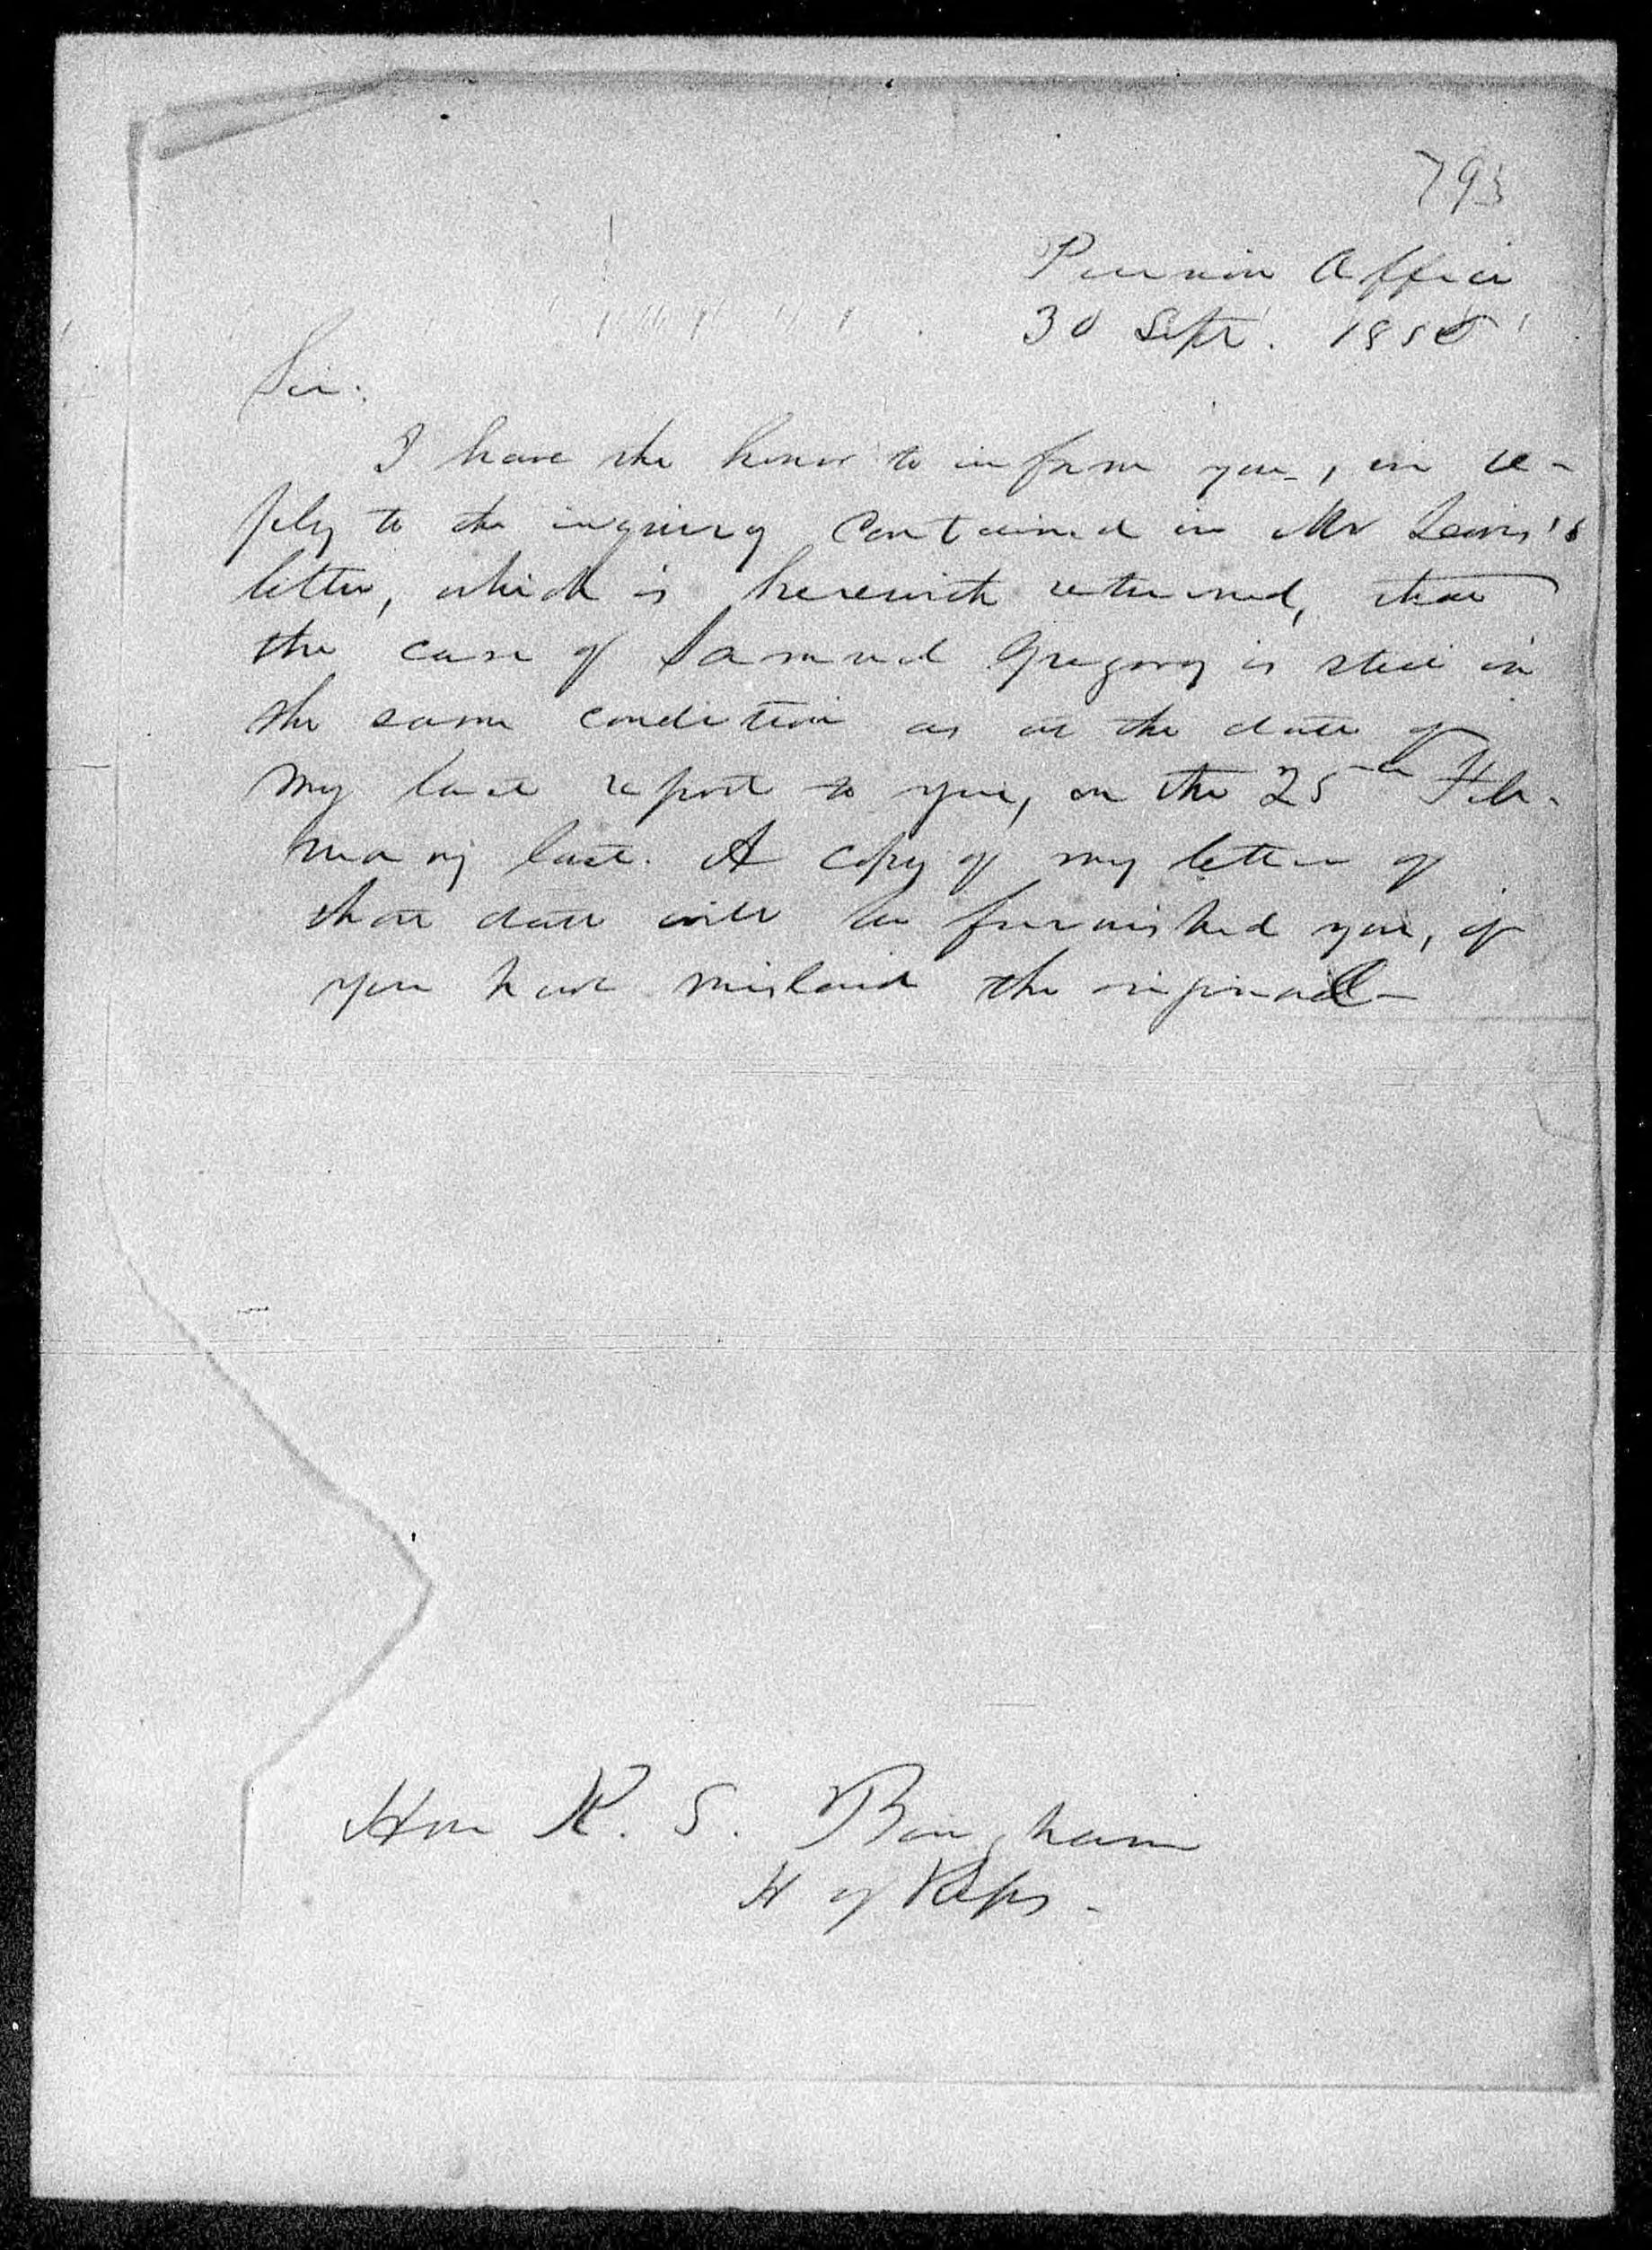Pension Office
30 Sept 1850

Sir

I have the honor to inform you, in reply to the inquiry contained in Mr. Lewis' letter, which is herewith [illegible] the case of Samue Gregory in [illegible] the same conditions as or the date of my last report to you, on the 25 Feb of last. A copy of my letter of that date can be furnished you, if you [illegible]

Hon K S Bingham  H of Reps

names: K S Bingham, Lewis, Samuel Gregory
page: 35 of 66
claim: rejected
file: R. 4298, Samuel Gregory, New York